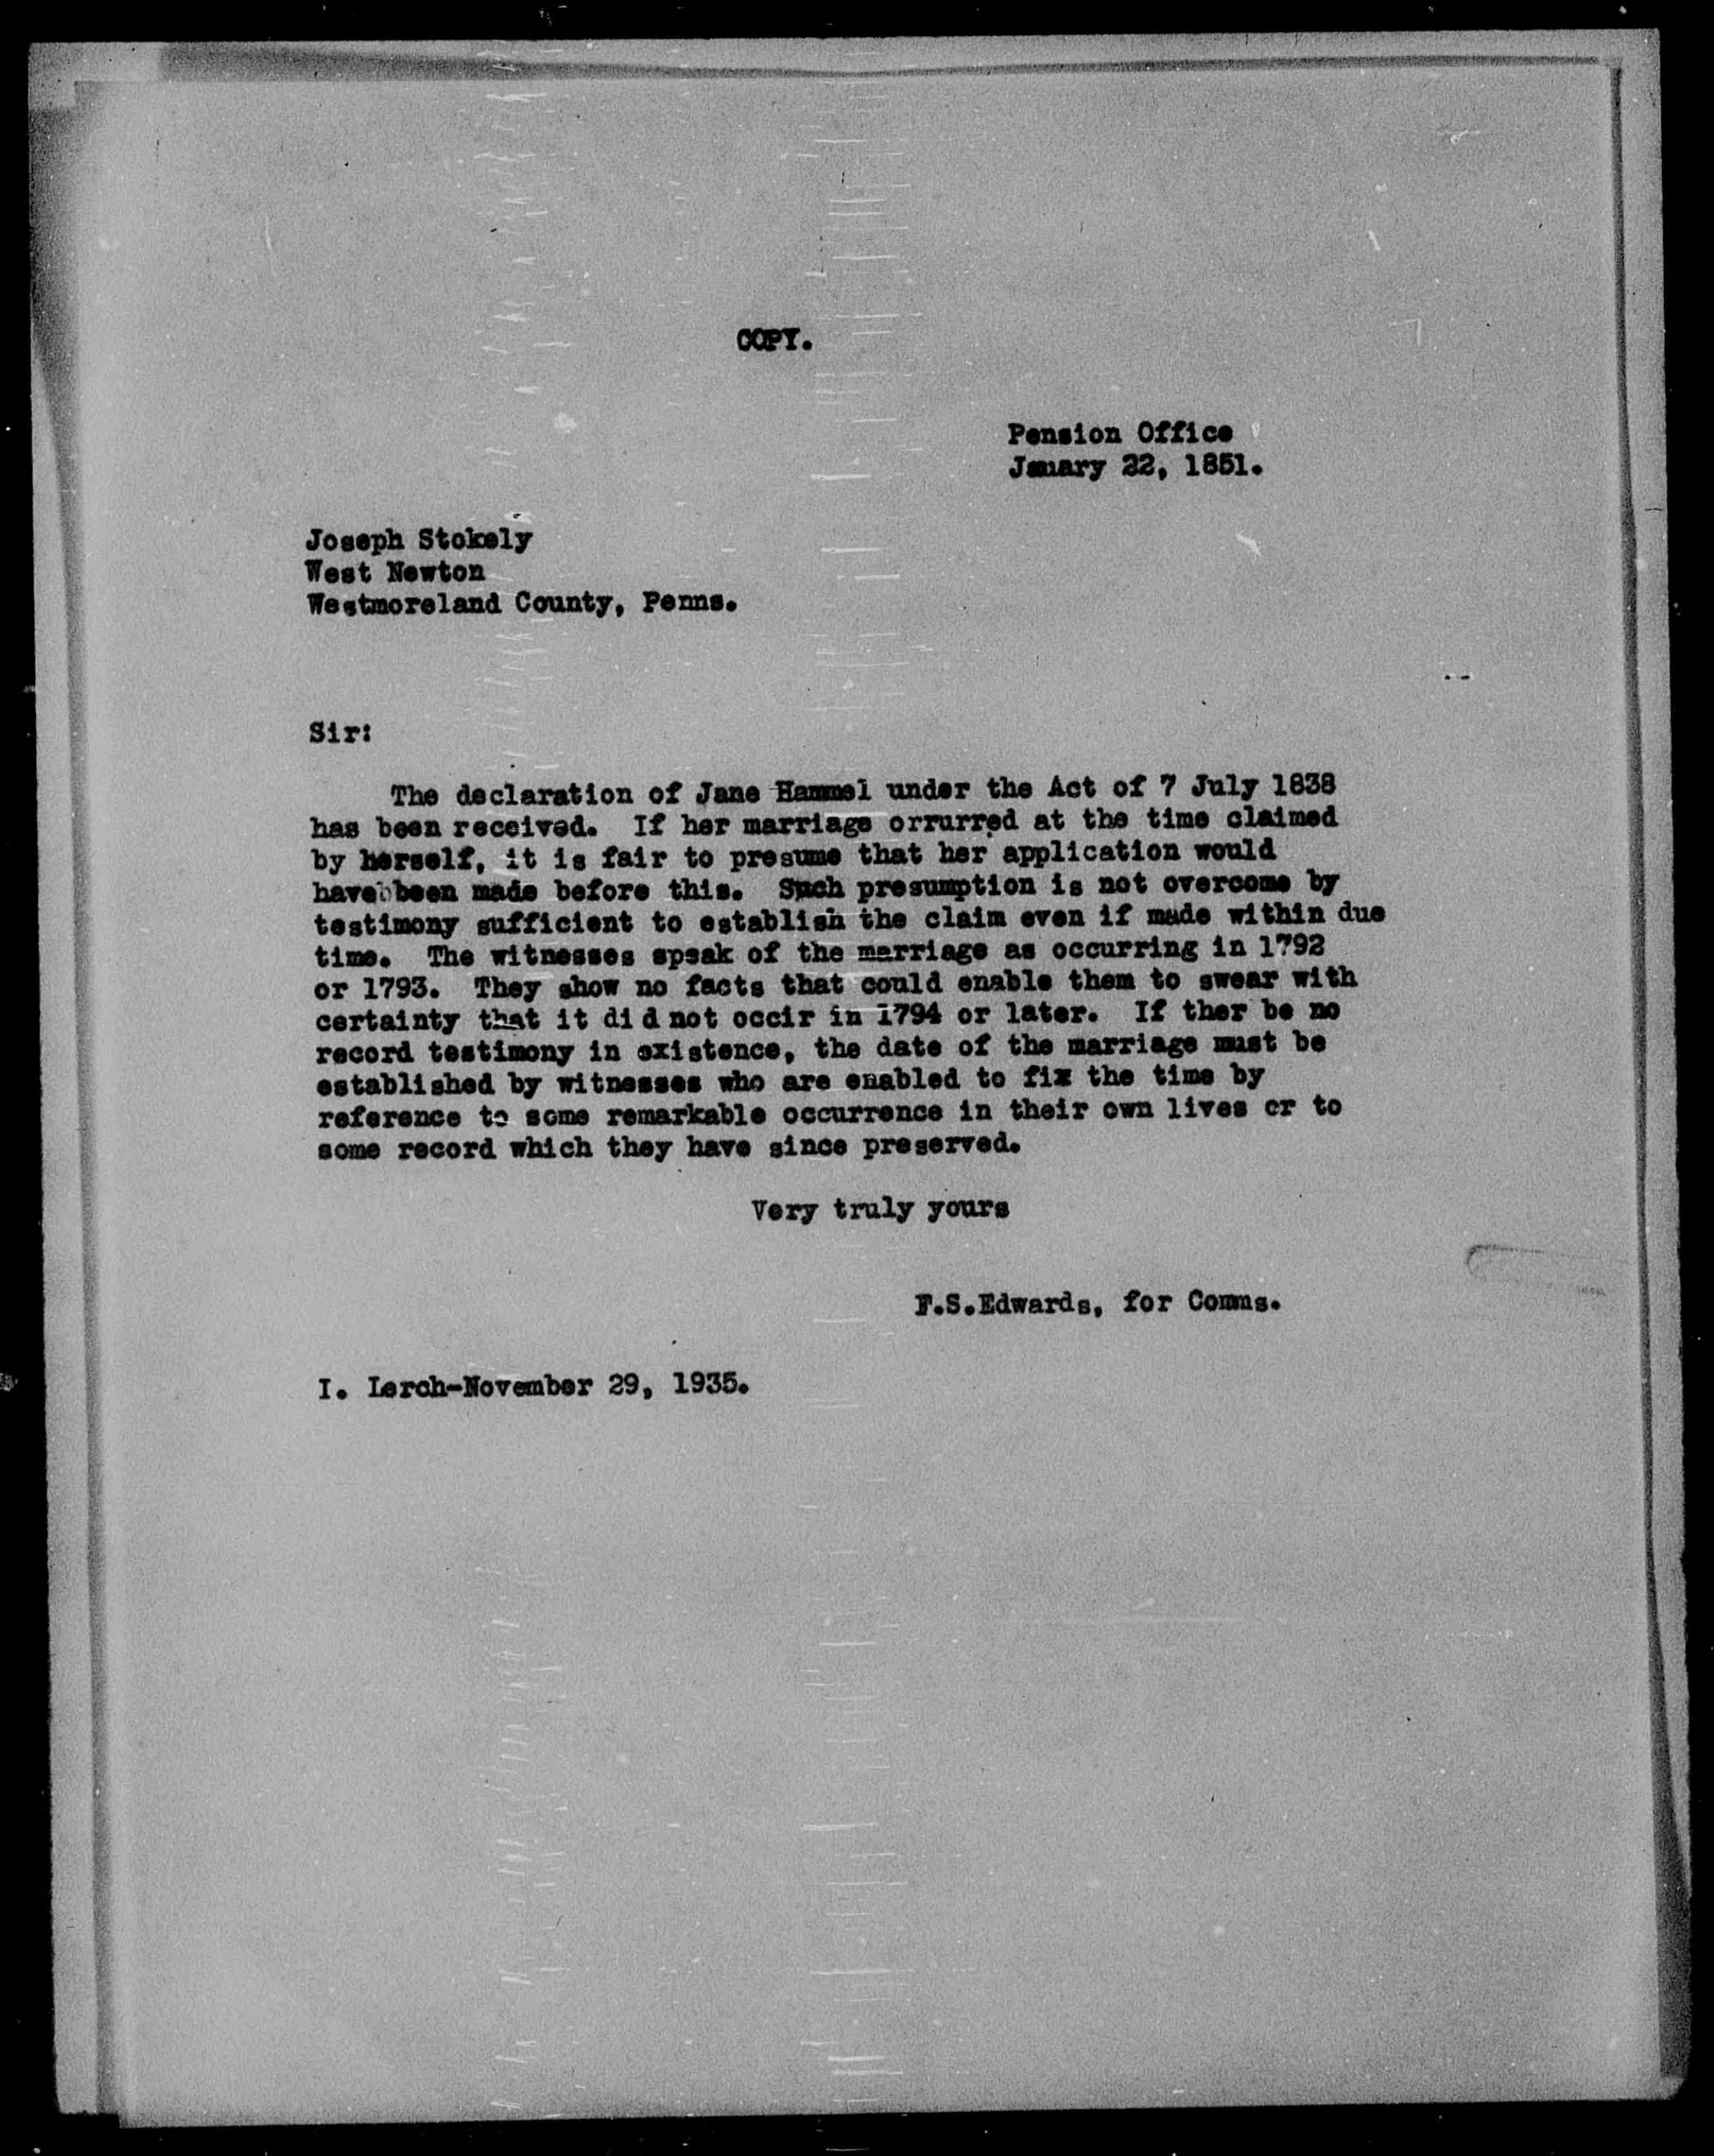COPT.
Pension Office
January 22, 1851.
Joseph Stokely
West Newton
Westmoreland County, Penns.

Sir:

The declaration of Jane Hammel under the Act of 7 July 1838 has been received. If her marriage occurred at the time claimed by herself, it is fair to presume that her application must have been made before this. Such presumption is not overcome by testimony sufficient to establish the claim even if made within due time. The witnesses speak of the marriage as occurring in 1792 or 1793. They show no facts that could enable them to swear with certainty that it did not occur in 1794 or later. If ther be no record testimony in existence, the date of the marriage must be established by witnesses who are enabled to fix the time by reference to some remarkable occurrence in their own lives or to some record which they have since preserved.
Very truly yours

F.S. Edwards, for Comms.
I. Lerch-November 29, 1935.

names: Joseph Stokely, F S Edwards, Jane Hammel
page: 89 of 92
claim: widow's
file: W 1173, Robert Hamill, Penn.